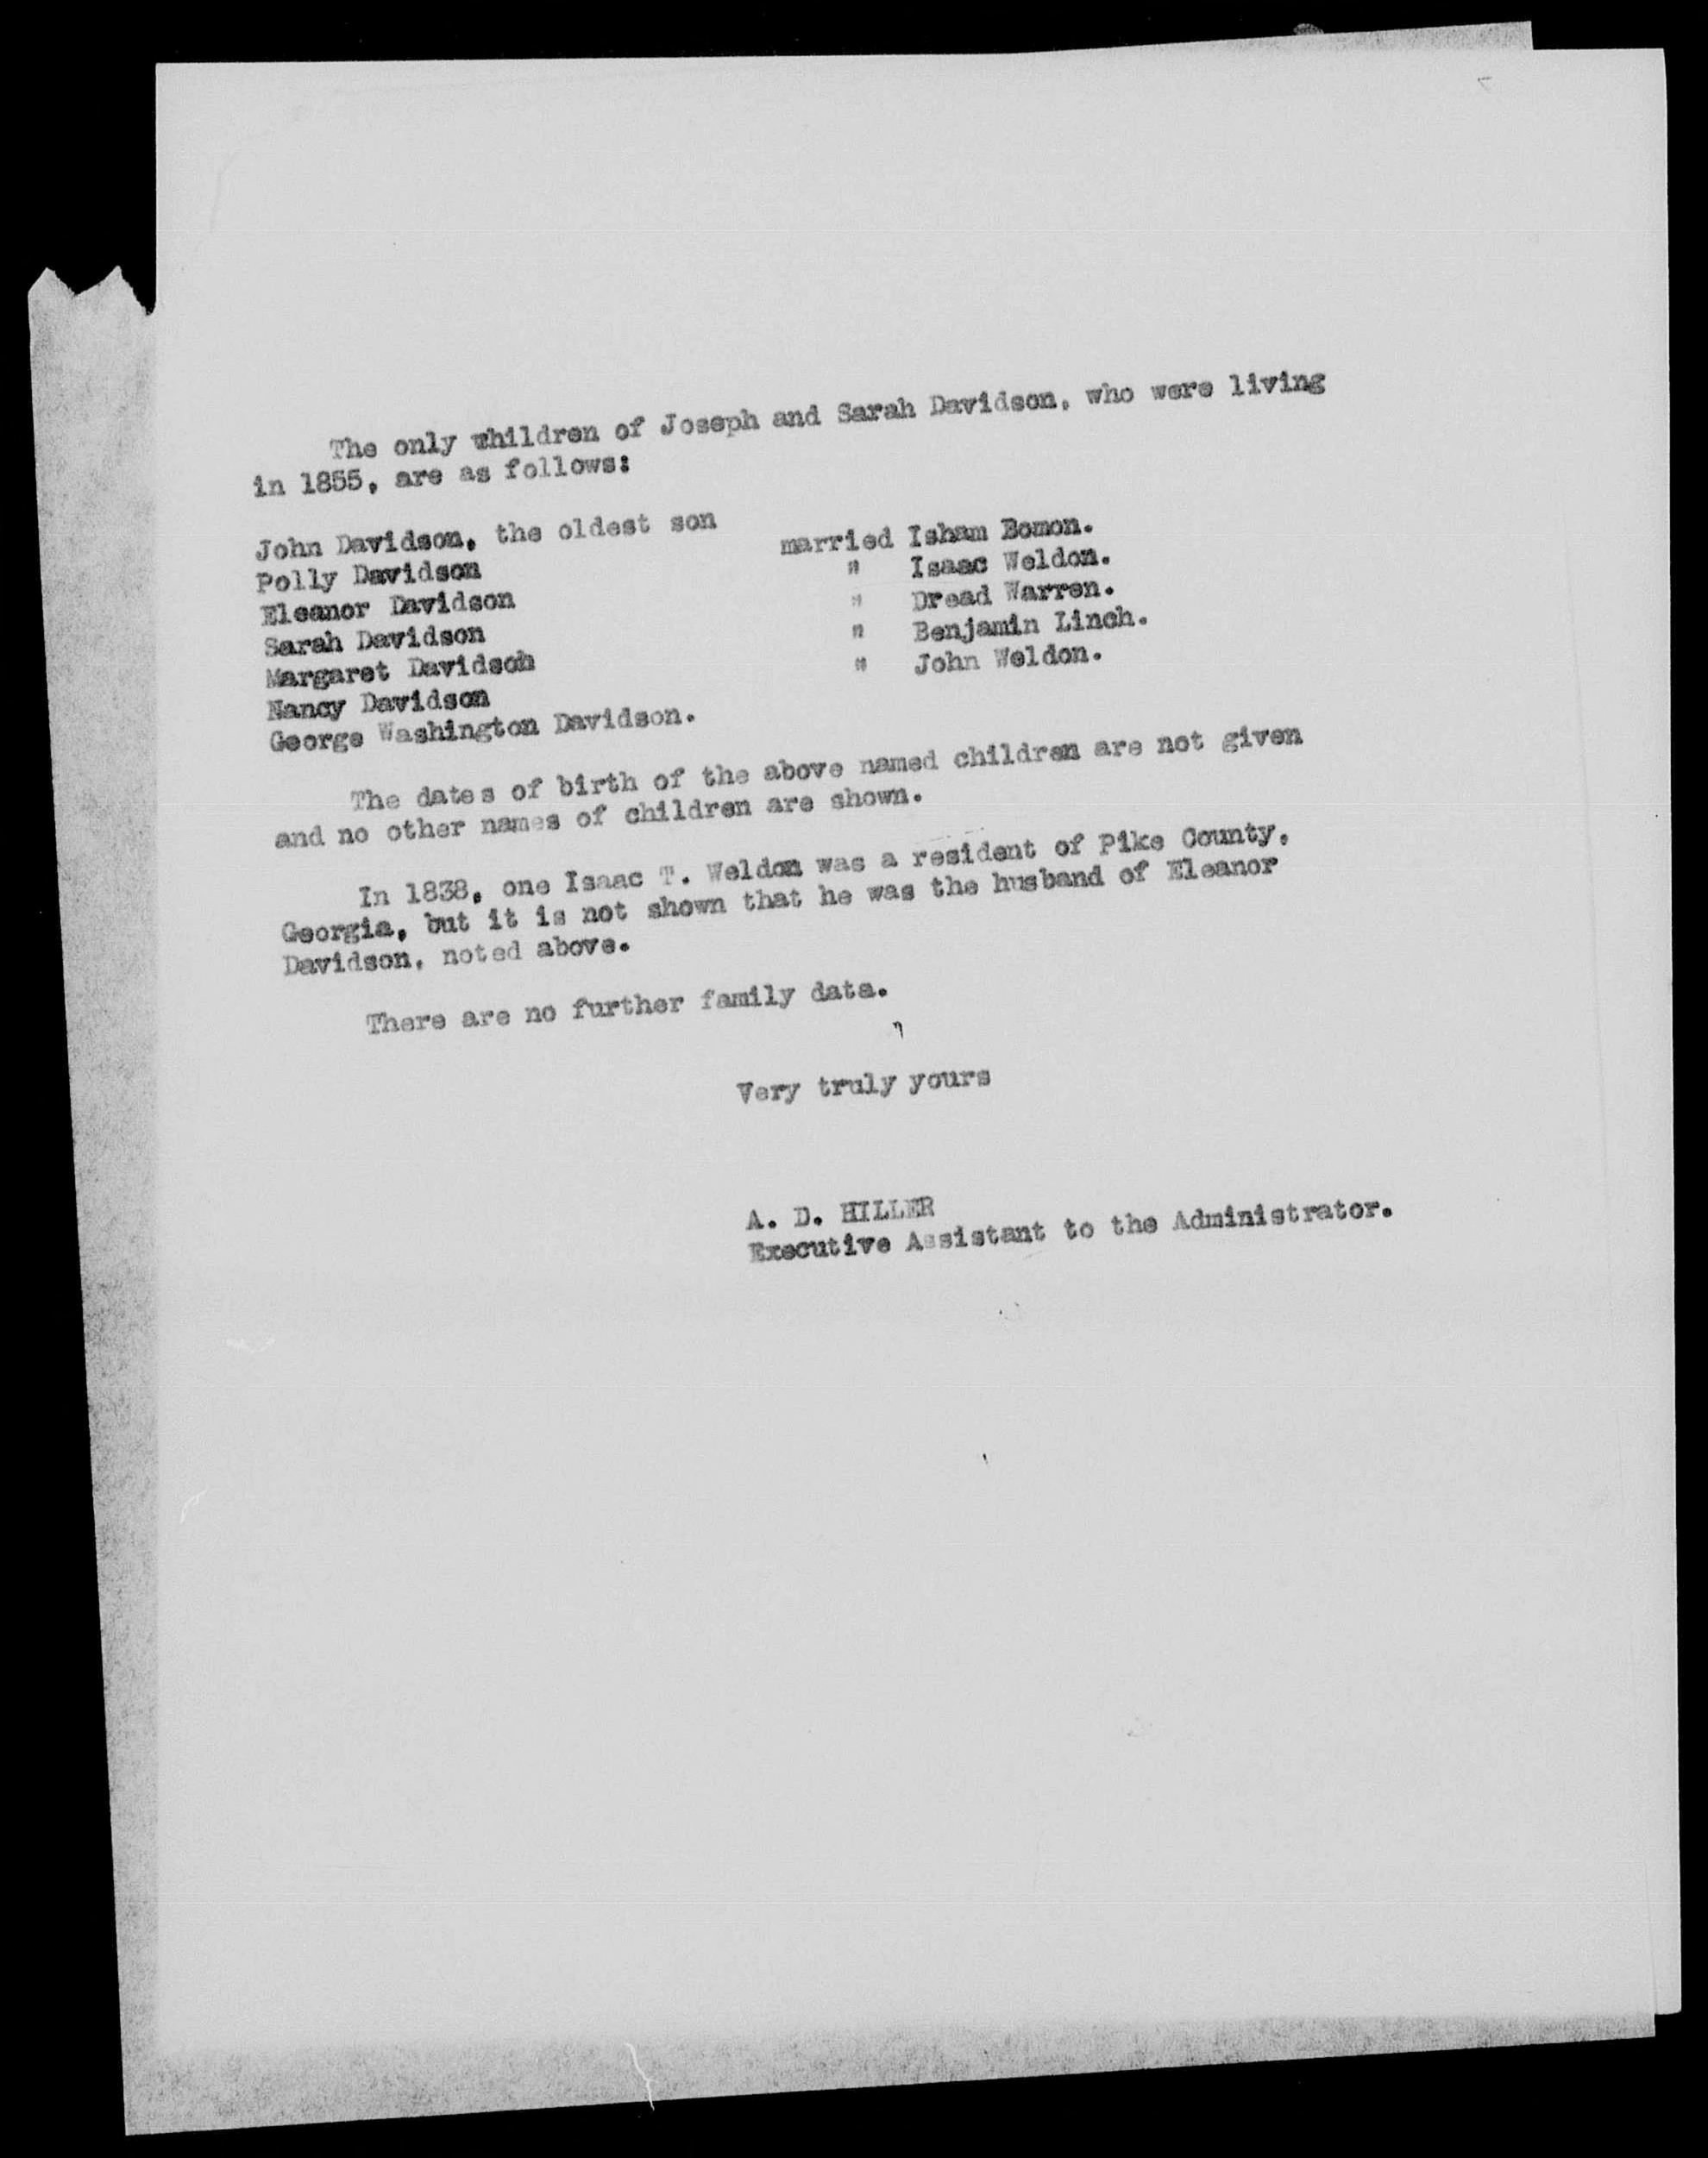The only children of Joseph and Sarah Davidson, who were living in 1855, are as follows:
John Davidson, the oldest son
Polly Davidson married Isham Bomon.
Eleanor Davidson " [married] Isaac Weldon.
Sarah Davidson " [married] Dread Warren.
Margaret Davidson " [married] Benjamin Linch.
Nancy Davidson " [married] John Weldon.
George Washington Davidson.
The dates of birth of the above named children are not given and no other names of children are shown.
In 1833, one Isaac T. Weldon was a resident of Pike County, Georgia, but it is not shown that he was the husband of Eleanor Davidson, noted above.
There are no further family data.
Very truly yours
A. D. HILLER
Executive Assistant to the Administrator.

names: Sarah Davidson, A D Hiller, Nancy Davidson, Isaac T Weldon, Eleanor Davidson, Eleanor Davidson, George Washington Davidson, Isham Bomon, Margaret Davidson, John Weldon, Sarah Davidson, Benjamin Linch, Dread Warren, John Davidson, Polly Davidson, Joseph Davidson, Isaac Weldon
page: 17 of 63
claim: widow's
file: W. 4175, Joseph Davidson, N.C.